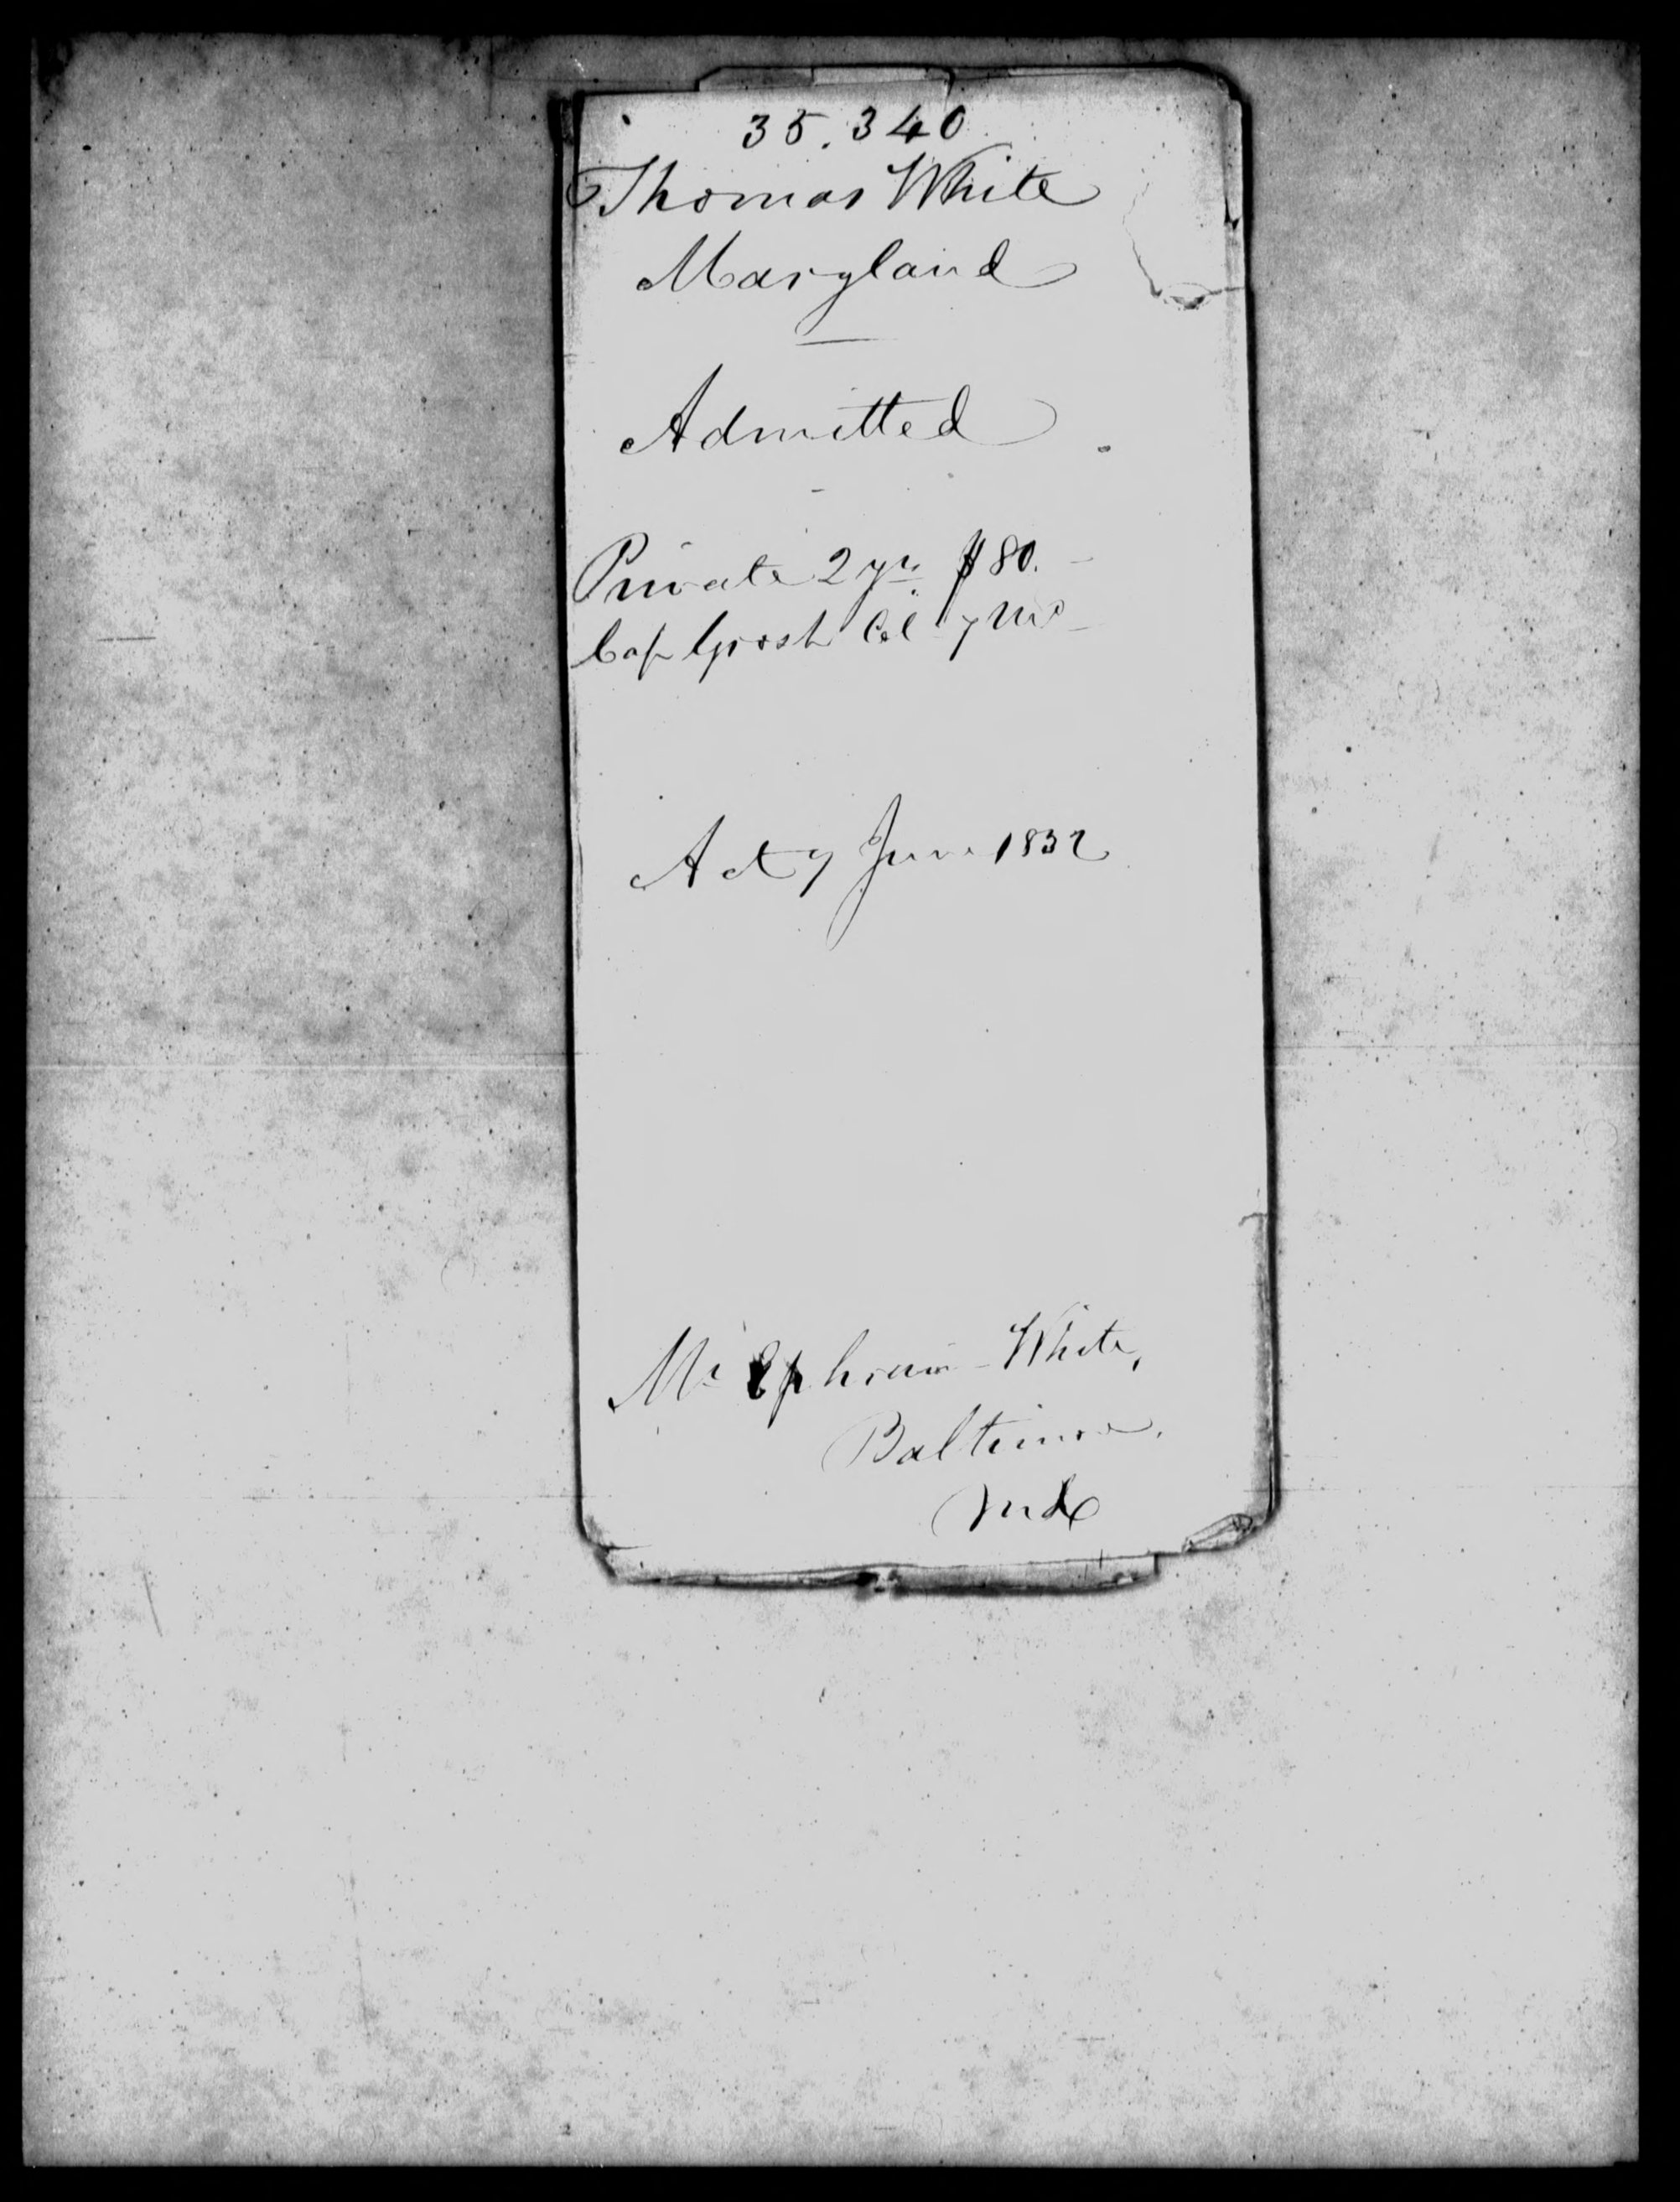35.340
Thomas White
Maryland
Admitted
Private 2 yr $80
Cap Grosh Col 7 mo
Act 7 June 1832
Mr Ephraim White, 
Baltimore
Md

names: Ephraim White, Thomas White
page: 25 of 43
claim: survivor's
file: S. 15240, Thomas White, Md.